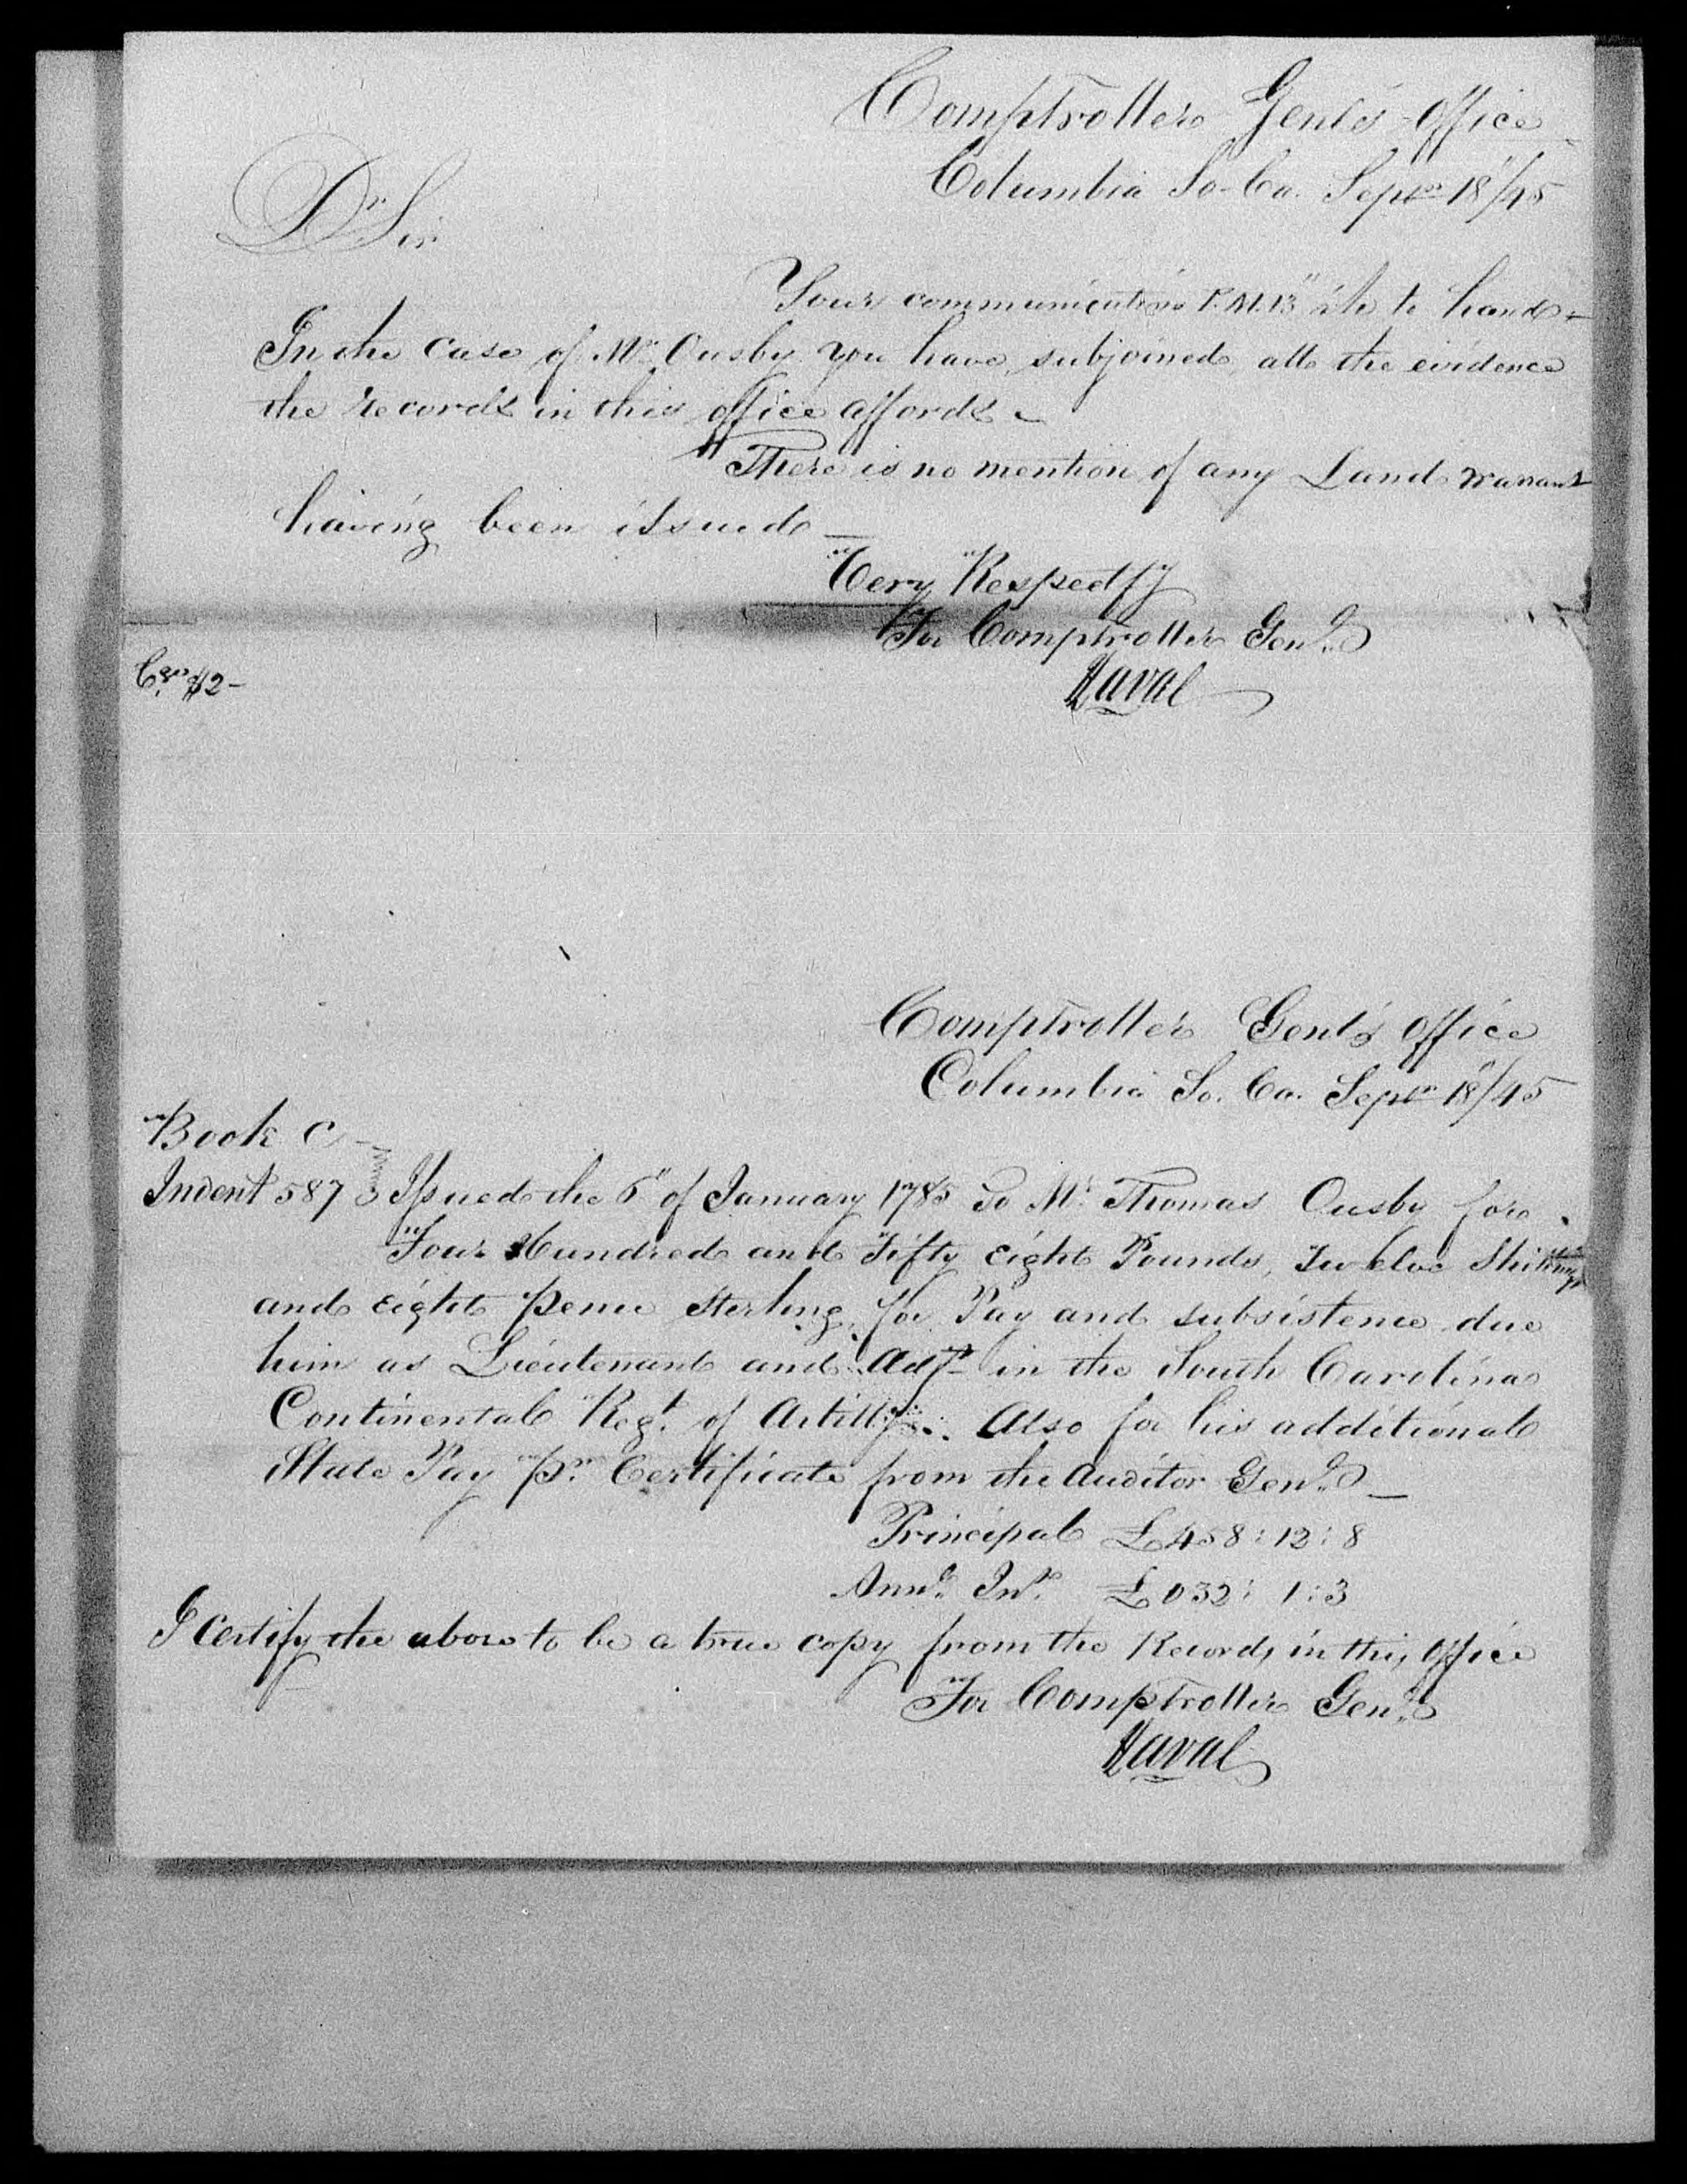Comptroller Genre Office
Columbia So-Ca Sep 11th 18/45

Dr Sir

Your communications P.M. 13" [illegible] to [illegible].

In the case of Mr Ousby you have subjoined alls the evidence the records in the office affords --

There is no mention of any Land Warrants having been issued___

Very Respectfully
[illegible] Comptroller Gen. S
Haval

Cso $2-




Comptroller Gens office
Columbia So. Ca. Sep 11th 18/45

Book C - 
Indent 587 [illegible] the 6th of January 1785 To Mr Thomas Ousby fore Four Hundred and Fifty Eight Pounds [illegible] [illegible] and Eight Pence Sterling for Pay and subsistence due him as Lieutenant and Adj - in the South Carolina Continental Regt. of Artillery. Also for his additional State Pay per Certificate from the auditor Gen. S ___
Principal L458:12:8
Addl. In. L032:1:3
I certify the above to be a true copy from the Records in the office 
For Comptroller Gen. S
Haval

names: [BLANK] Haval; Thomas Ousby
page: 8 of 13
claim: bounty land warrant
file: B. L. Wt. 2455-200, for Thomas Ousby, South Carolina